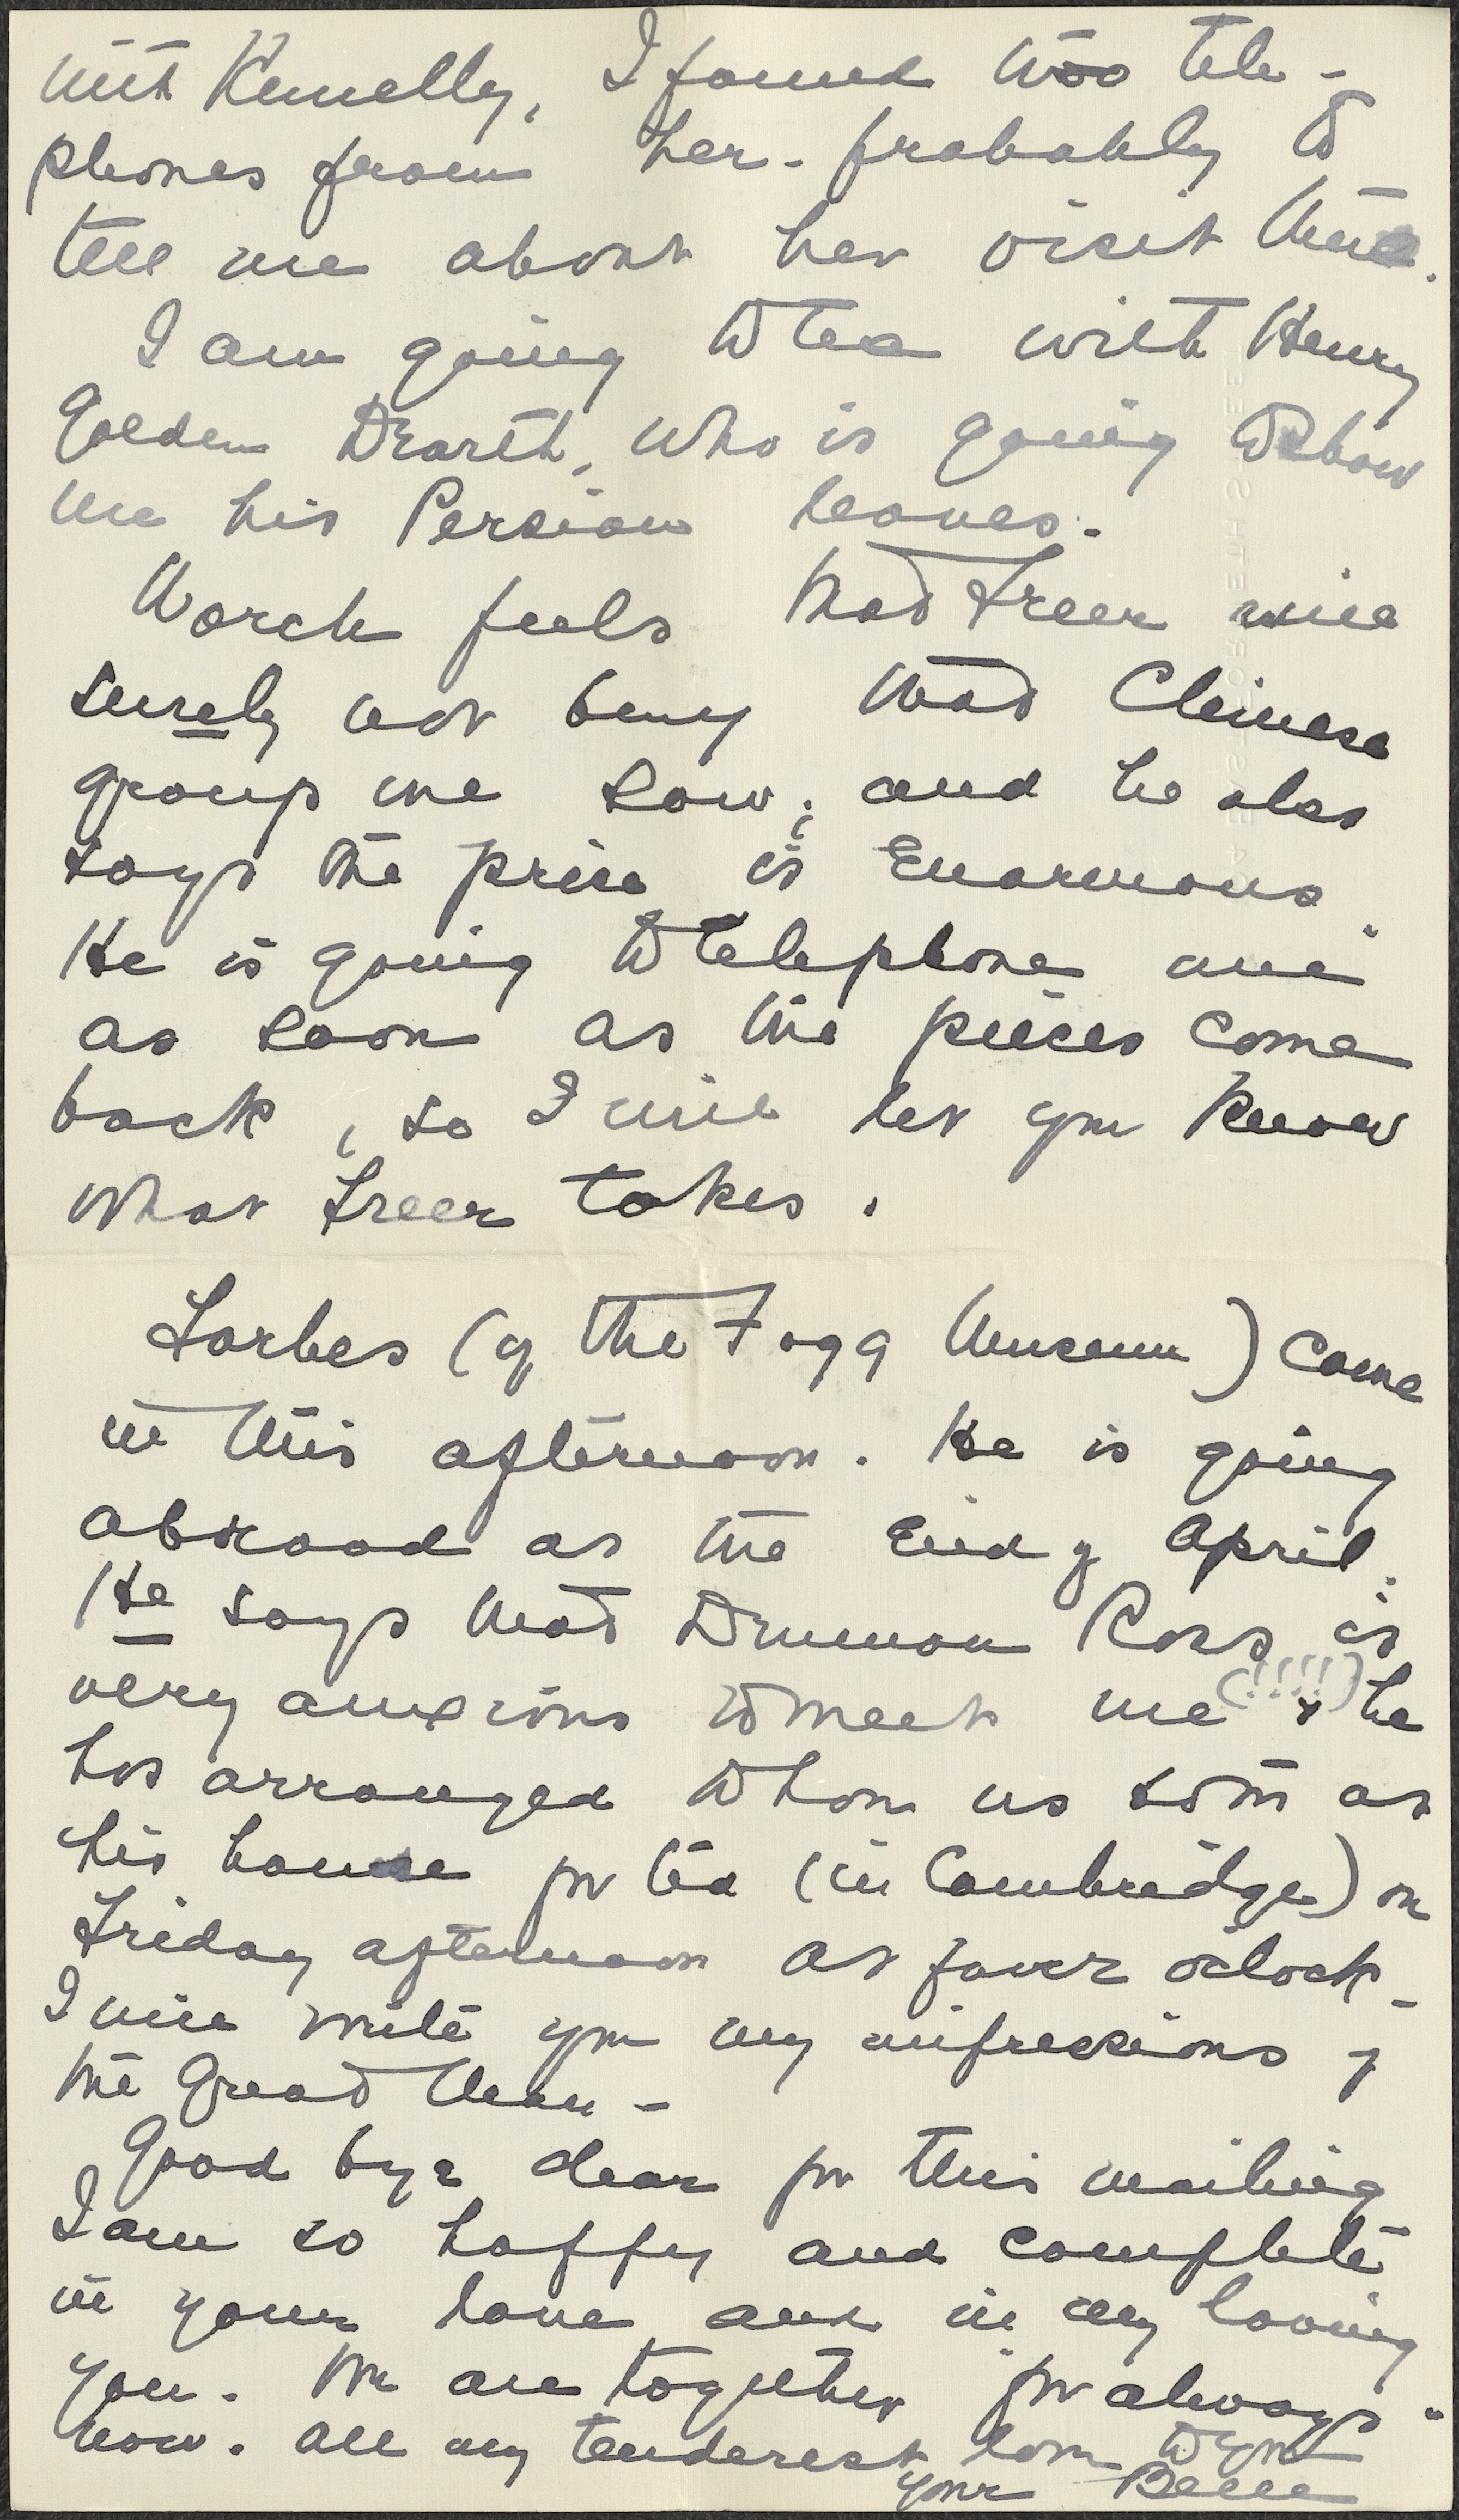with Kennerley, I found two telephones from her – probably to tell me about her visit there.
I am going to tea with Henry Golden Dearth, who is going to show me his Persian leaves.
Worch feels that Freer will surely not buy that Chinese group we saw; and he also says the price is enormous. He is going to telephone me as soon as the pieces come back, so I will let you know what Freer takes.
Forbes (of the Fogg Museum) came in this afternoon. He is going abroad at the end of April. He says that Denman Ross is very anxious to meet me [^(!!!!)^] & he has arranged to have us both at his house for tea (in Cambridge) on Friday afternoon at four o’clock – I will write you my impressions of the good man –
Good bye dear for this mailing
I am so happy and complete in your love and in my loving you. We are together “for always” now. All my tenderest love to you –
Your Belle